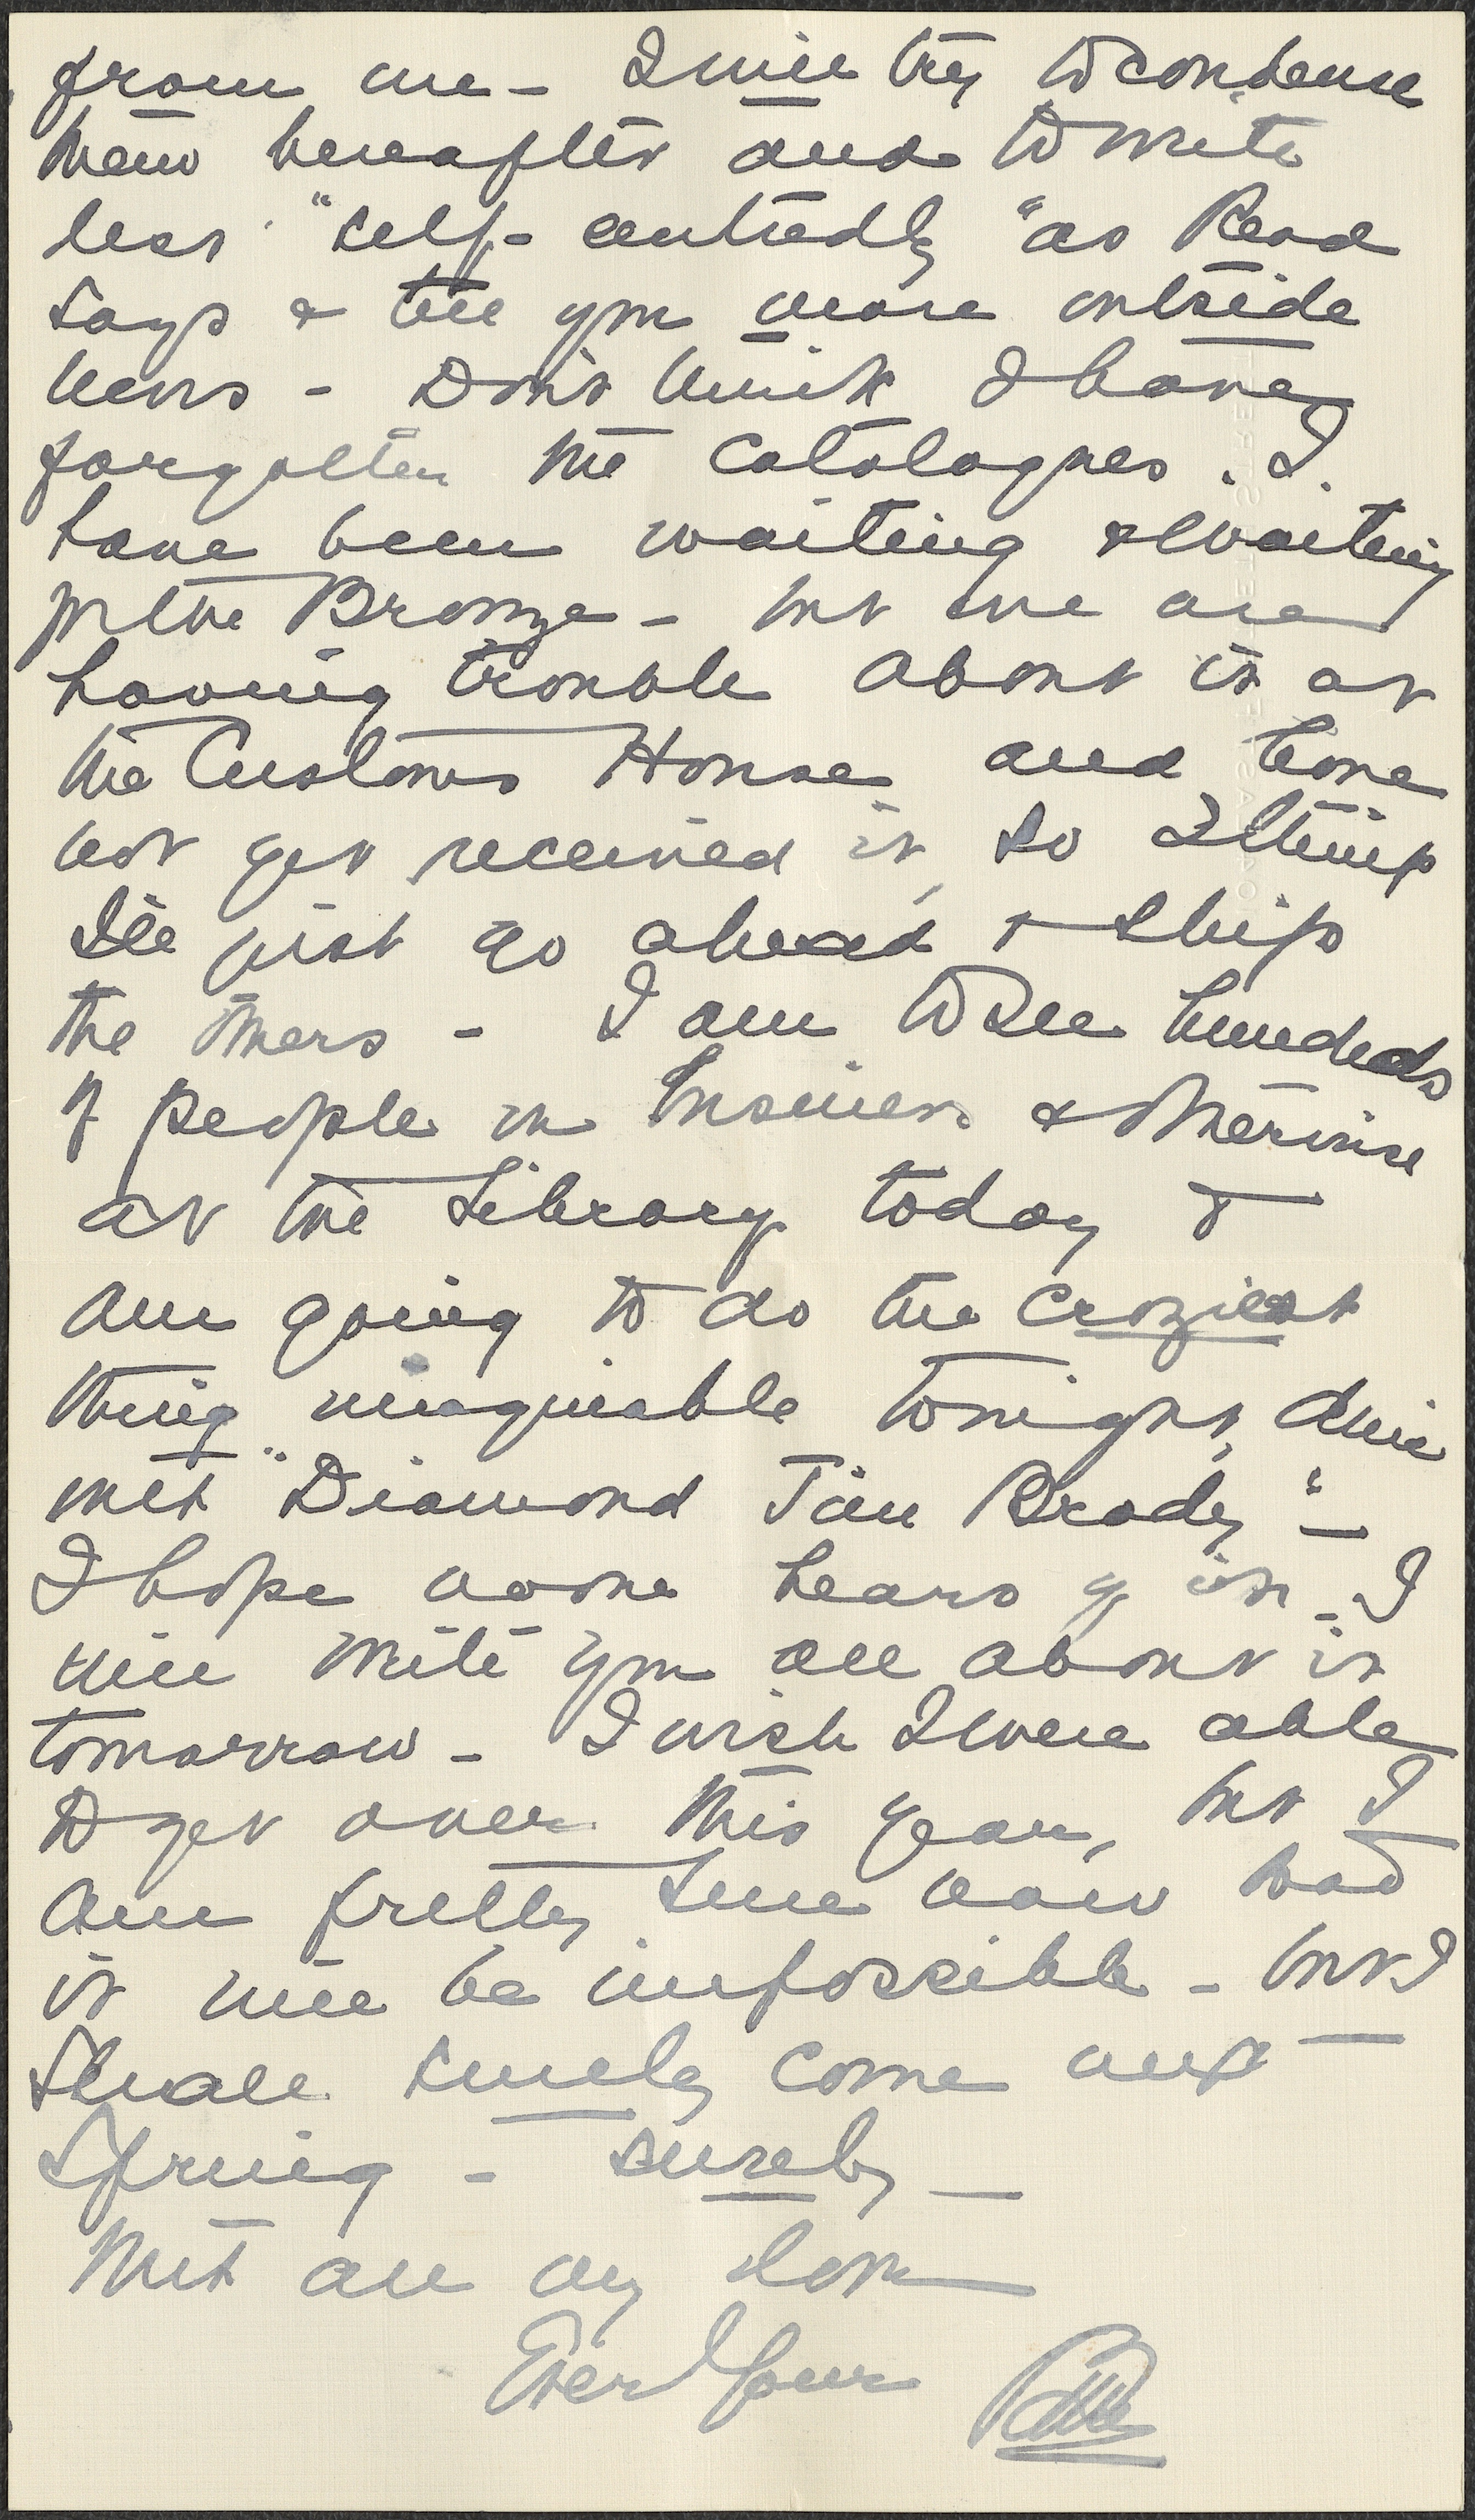from me – I will try to condense them hereafter and to write less “self-centredly” as Read says & tell you more outside news – Don’t think I have forgotten the catalogues. I have been waiting & waiting for the Bronze – but we are having trouble about it at the Customs House and have not yet received it, so I think I’ll just go ahead & ship the others – I am to see hundreds of people on business & otherwise at the Library today & am going to do the craziest thing imaginable tonight, dine with “Diamond Jim Brady” – I hope no one hears of it – I will write all about it tomorrow – I wish I were able to get over this year, but I am pretty sure now that it will be impossible – but I shall surely come next spring – surely –
With all my love
Ever Your Belle